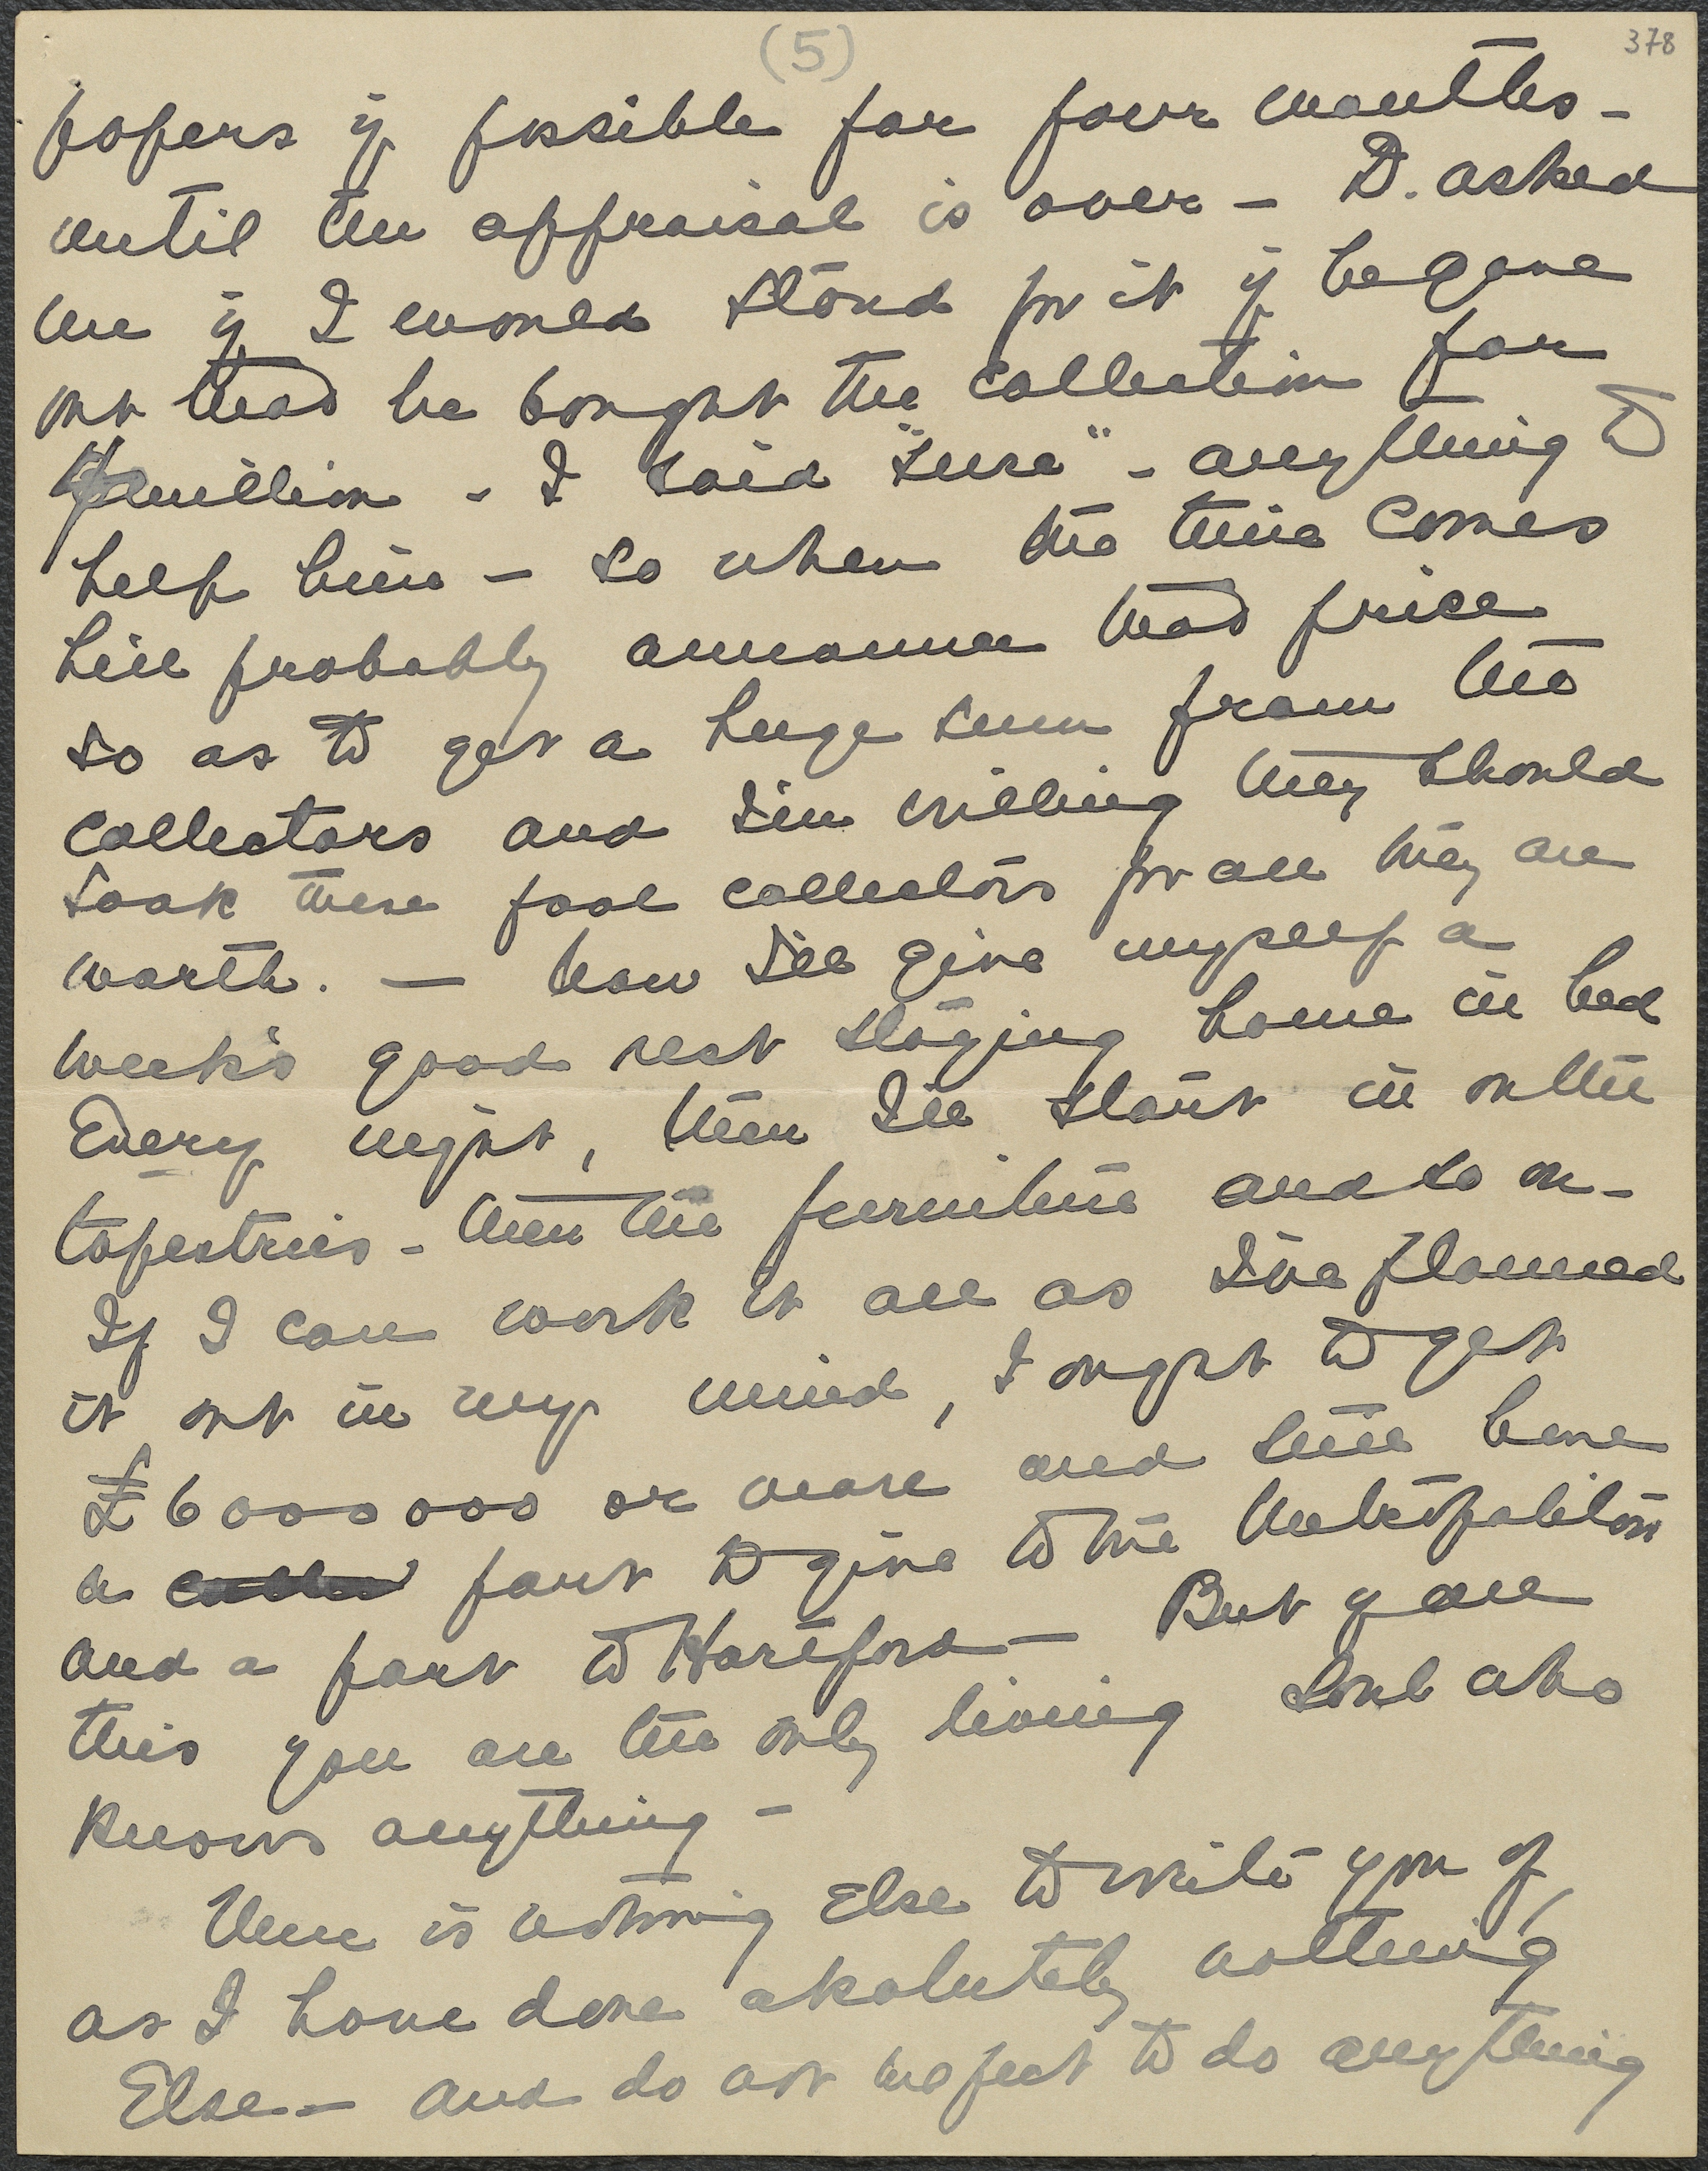(5)
papers if possible for four months – until the appraisal is over – D. asked me if I would stand for it if he gave out that he brought the collection for 4 million – I said “sure” – anything to help him – so when the time comes he’ll probably announce that price so as to get a huge sum from the collectors and I’m willing they should soak these fool collectors for all they are worth. – Now I’ll give myself a week’s good rest staying home in bed every night, then I’ll start in on the tapestries – then the furniture and so on – If I can work it all as I’ve planned it out in my mind, I ought to get £6,000,000 or more and still have a [illegible deletion] part to give to the Metropolitan and a part to Hartford – But of all this you are the only living soul who knows anything –
There is nothing else to write you of, as I have done absolutely nothing else – and do not expect to do anything